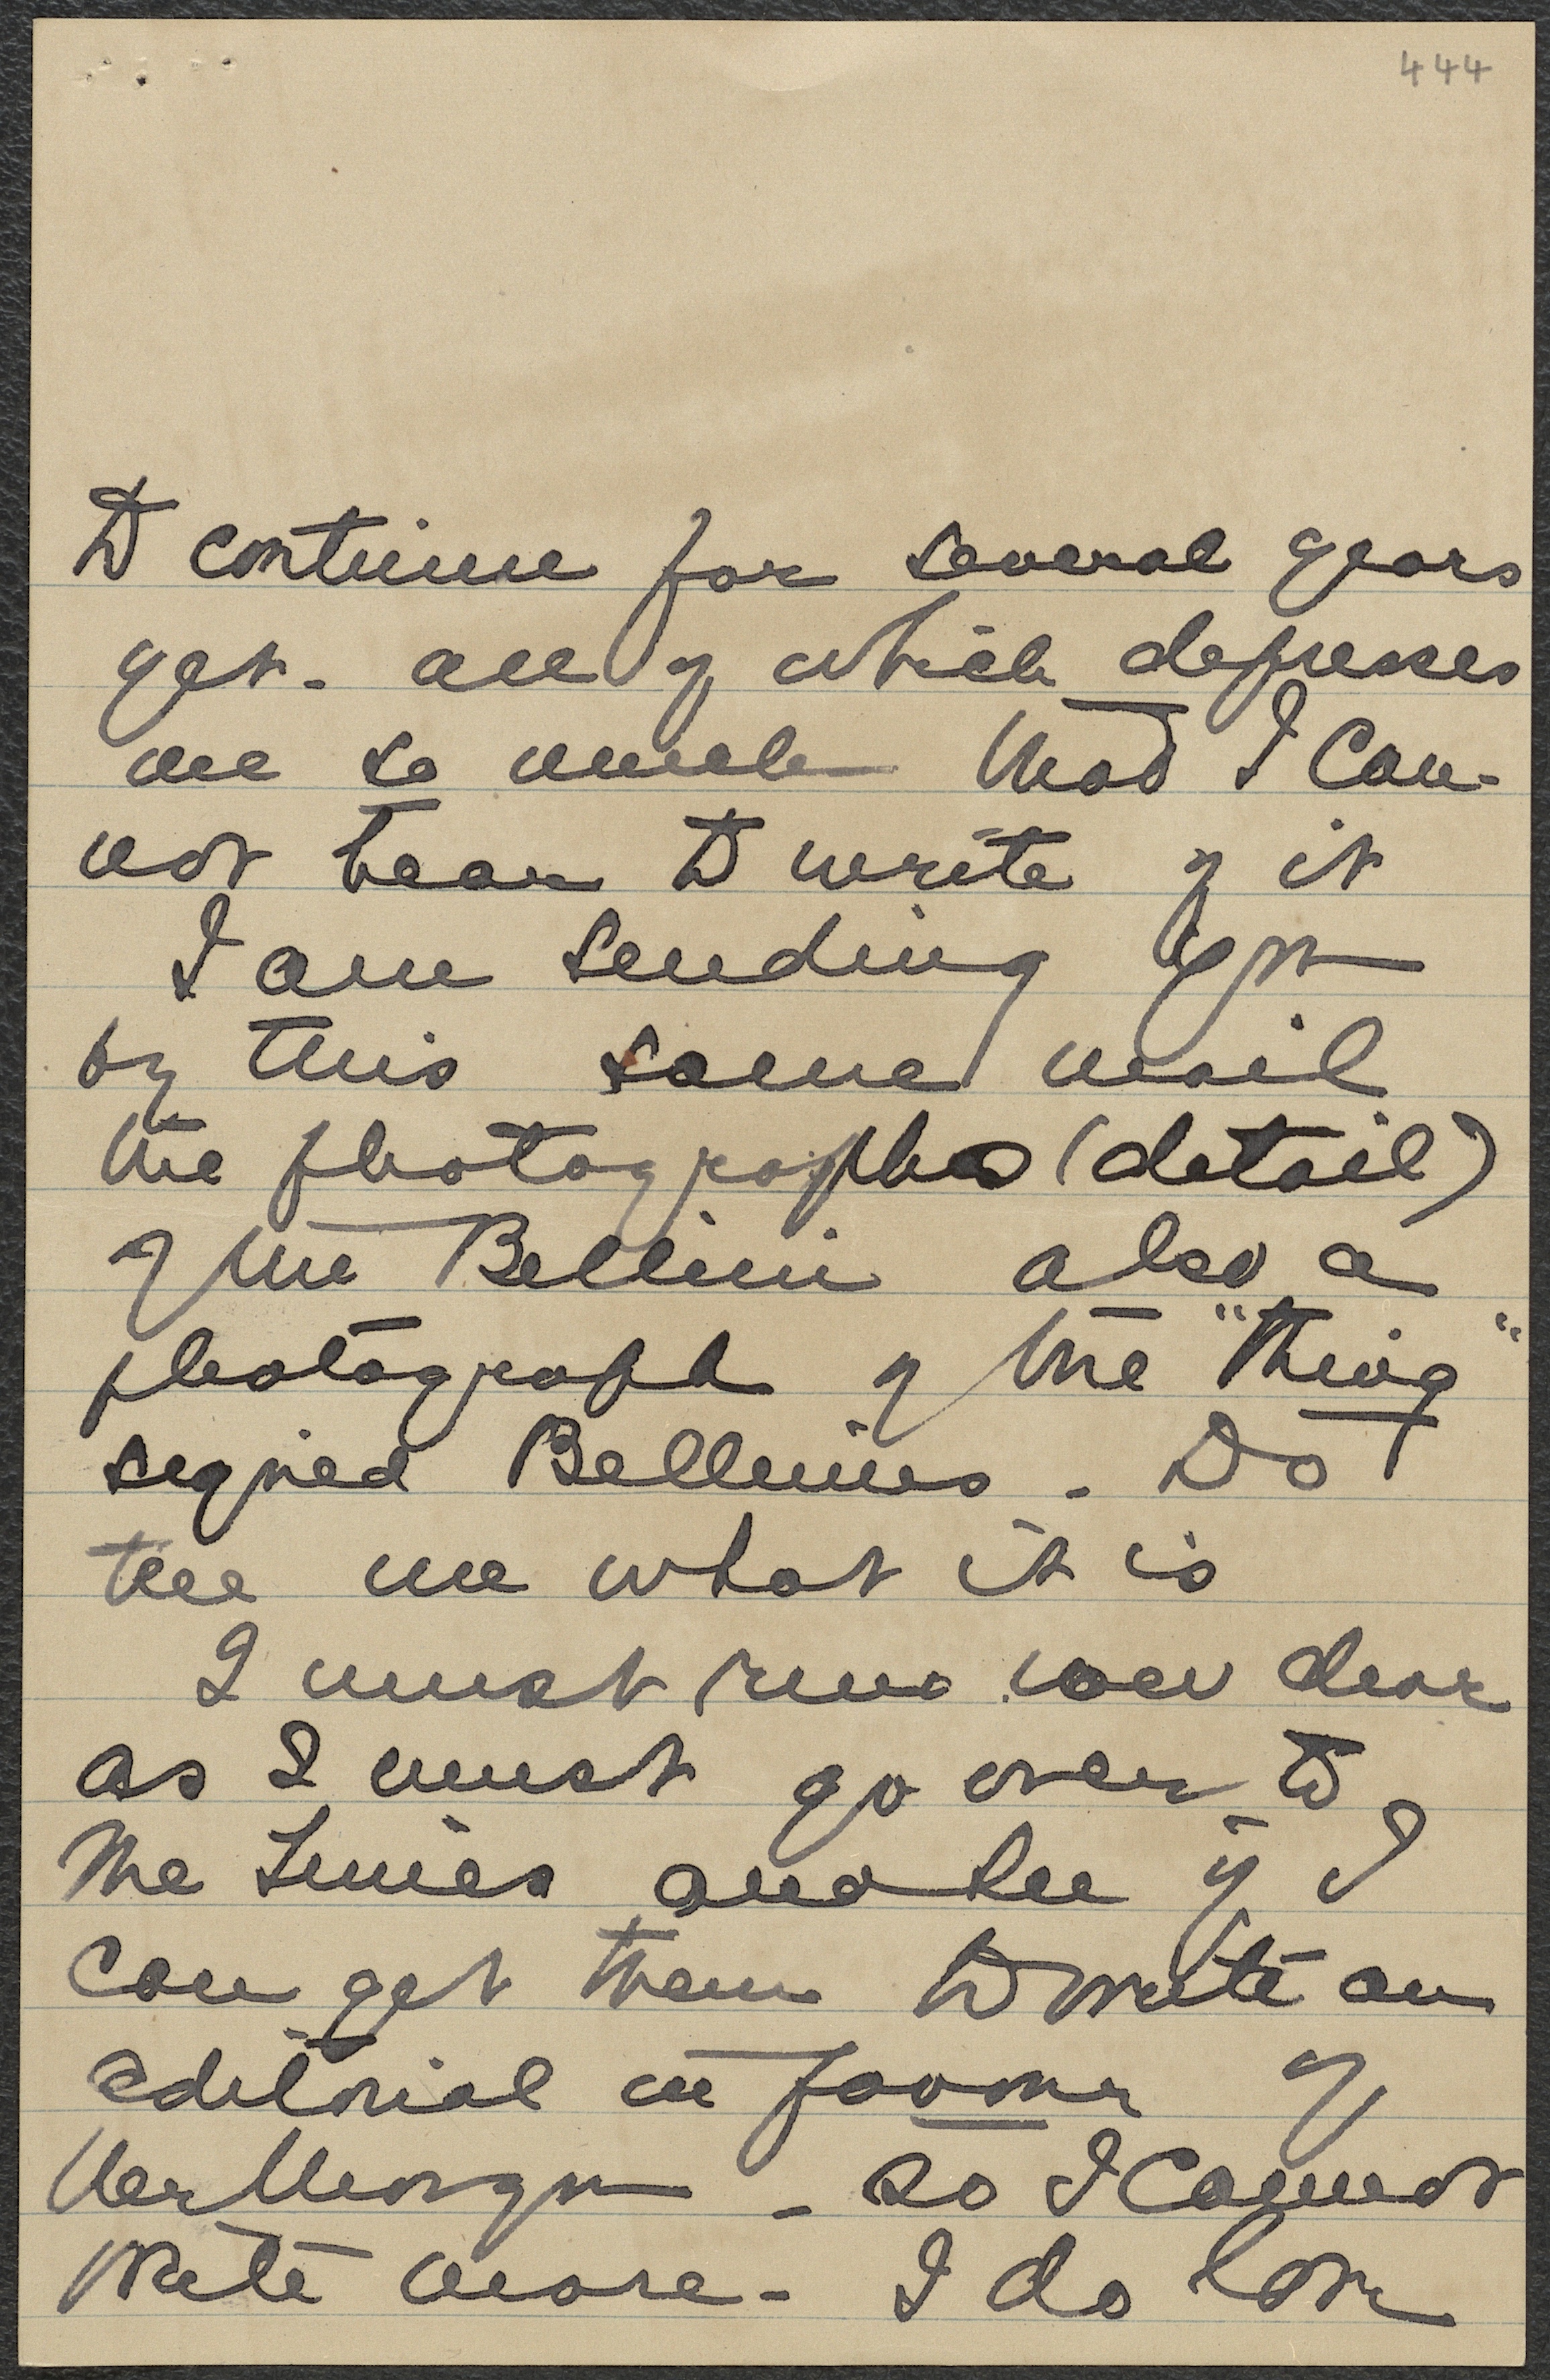to continue for several years yet – all of which depresses me so much that I cannot bear to write of it
I am sending you by this same mail the photographs (detail) of the Bellini also a photograph of the “thing” signed Bellinis. Do tell me what it is
I must run now dear as I must go over to the Lewis and see if I can get them to write an editorial in favour of Mr Morgan – so I cannot write more – I do love